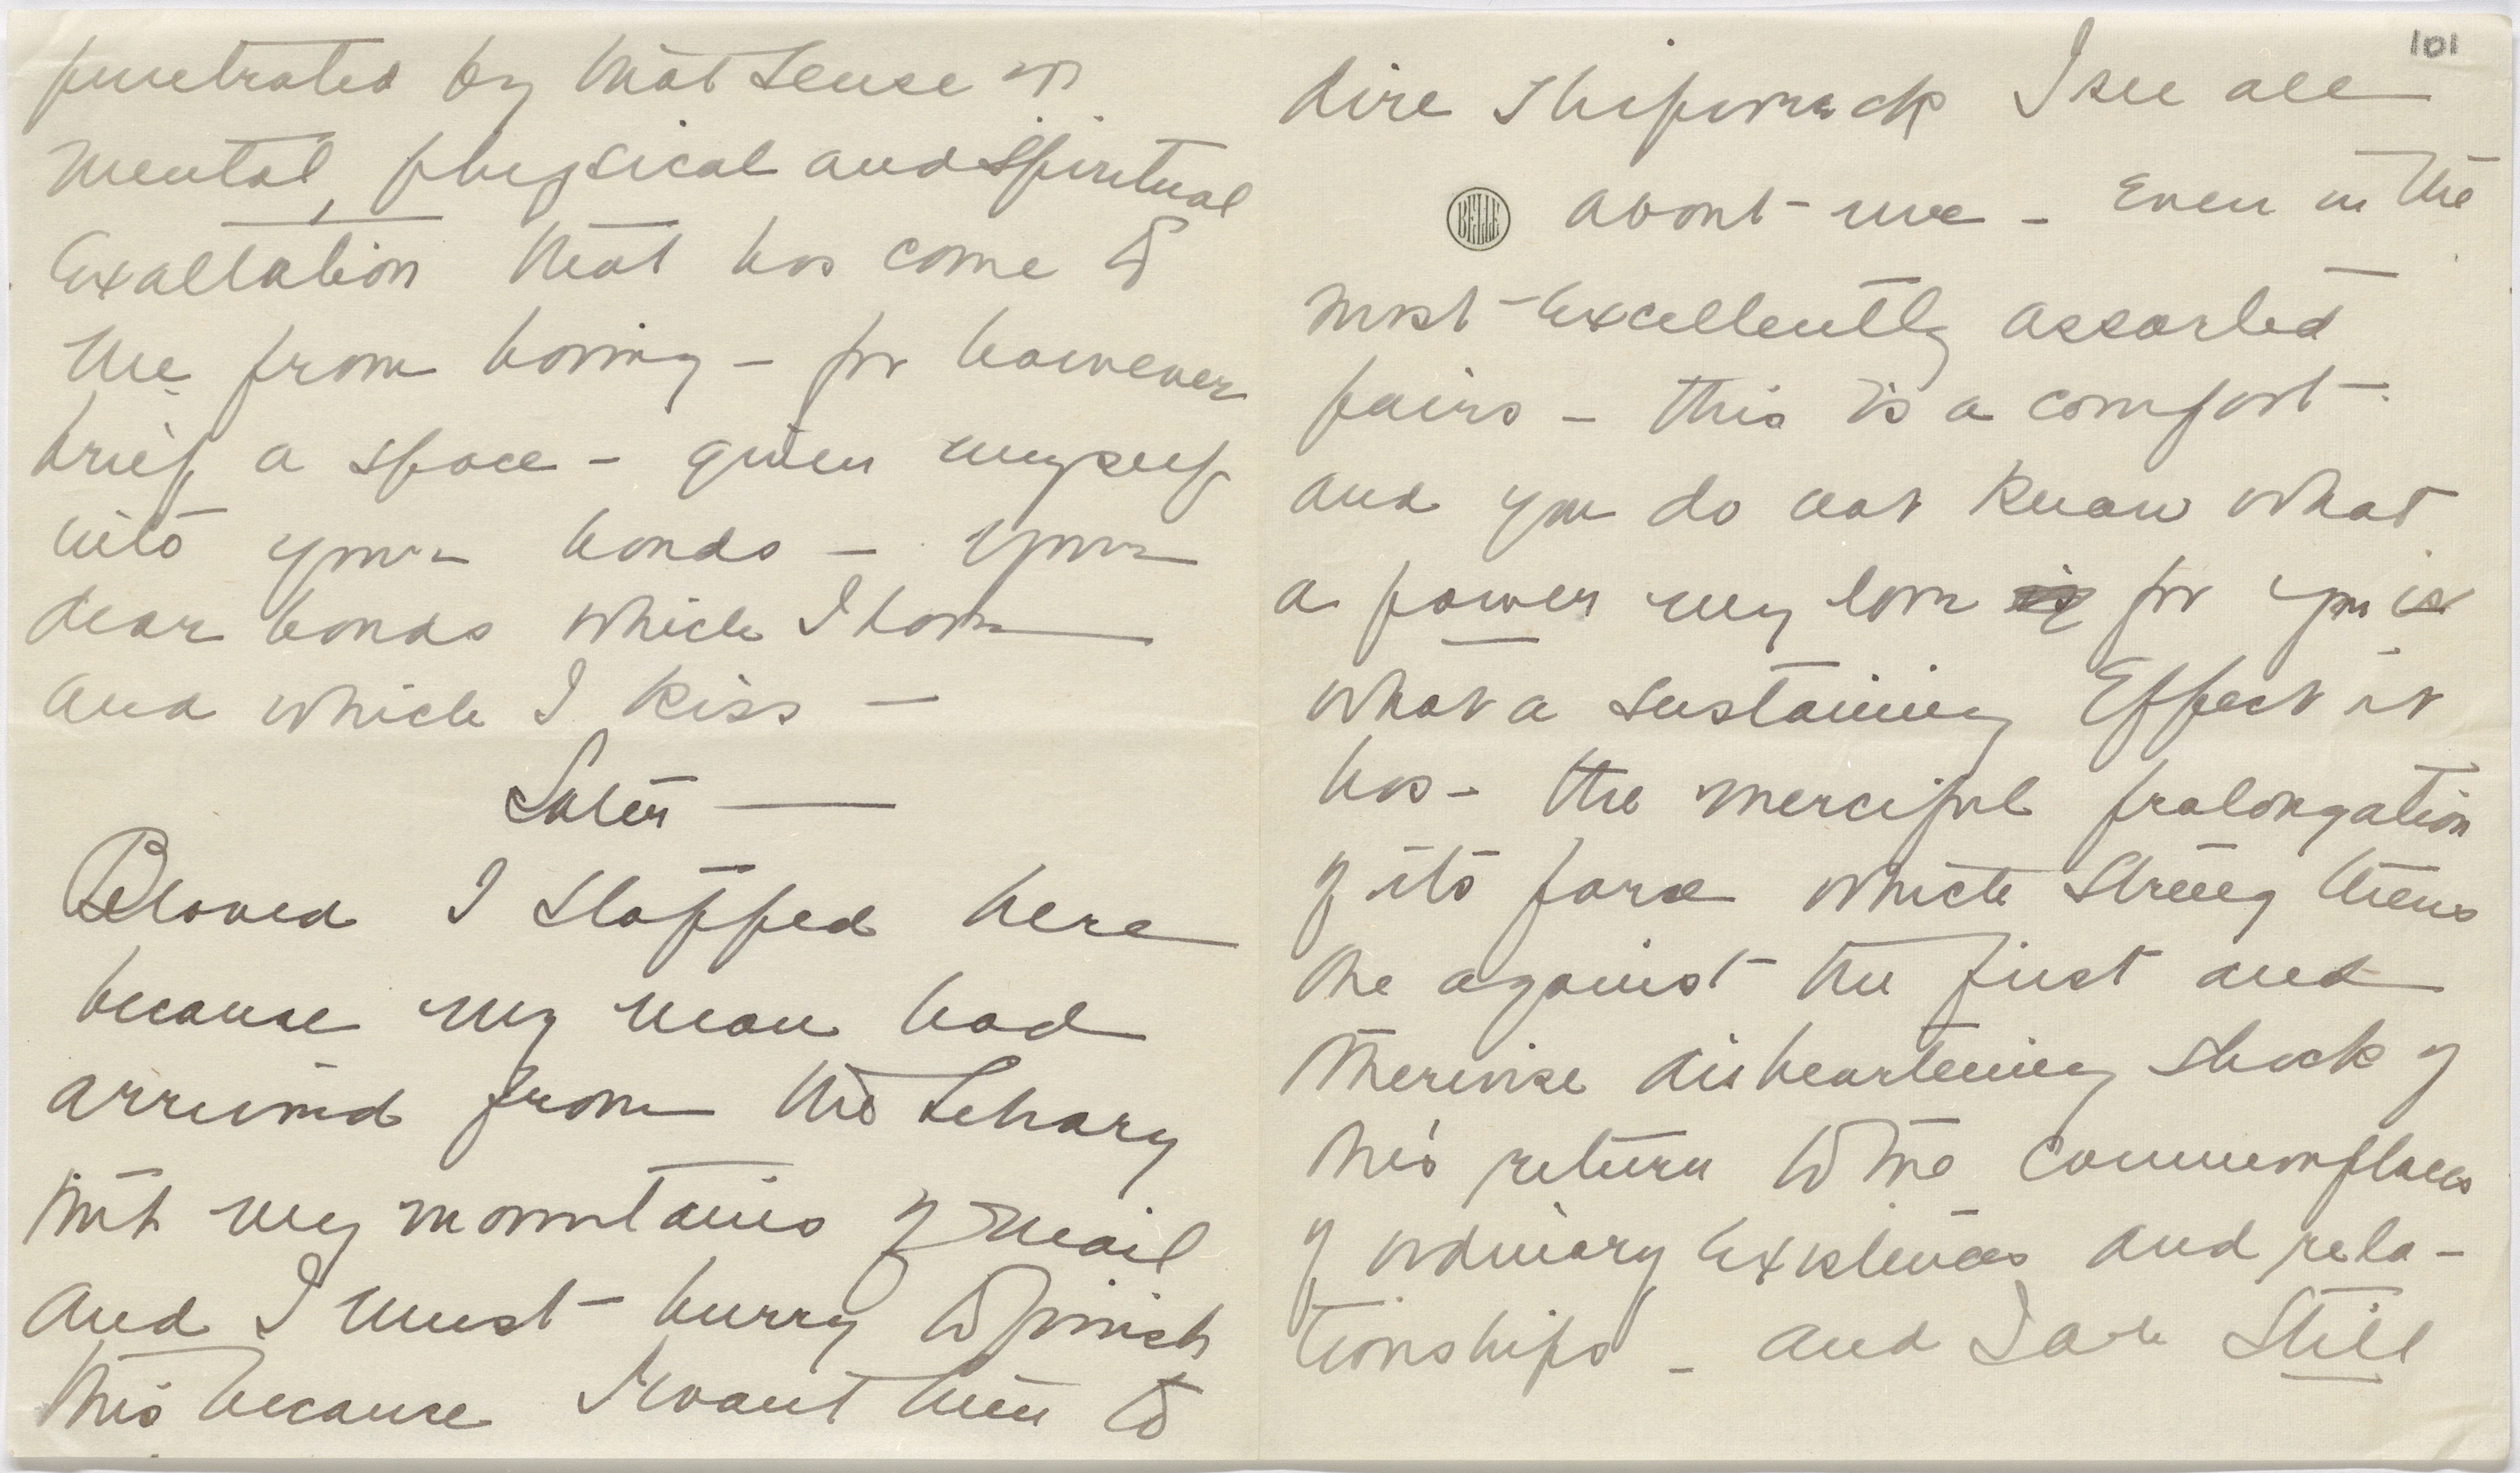dire shipwreck I see all about me – even in the most excellently assorted pairs – this is a comfort and you do not know what a power my love is for you is –
What a sustaining Effect it has – the merciful prolongation of its force which strengthens one against the first and otherwise disheartening shock of one’s return to the commonplaces of ordinary existences and relationships – and I am still
penetrated by that sense of mental, physical and spiritual exaltation that has come to me from having – for however brief a space – given myself into your hands – your dear hands which I love and which I kiss –
Later –
Beloved I stopped here because my man had arrived from the Library with my mountains of mail and I must hurry to finish this because I want him to